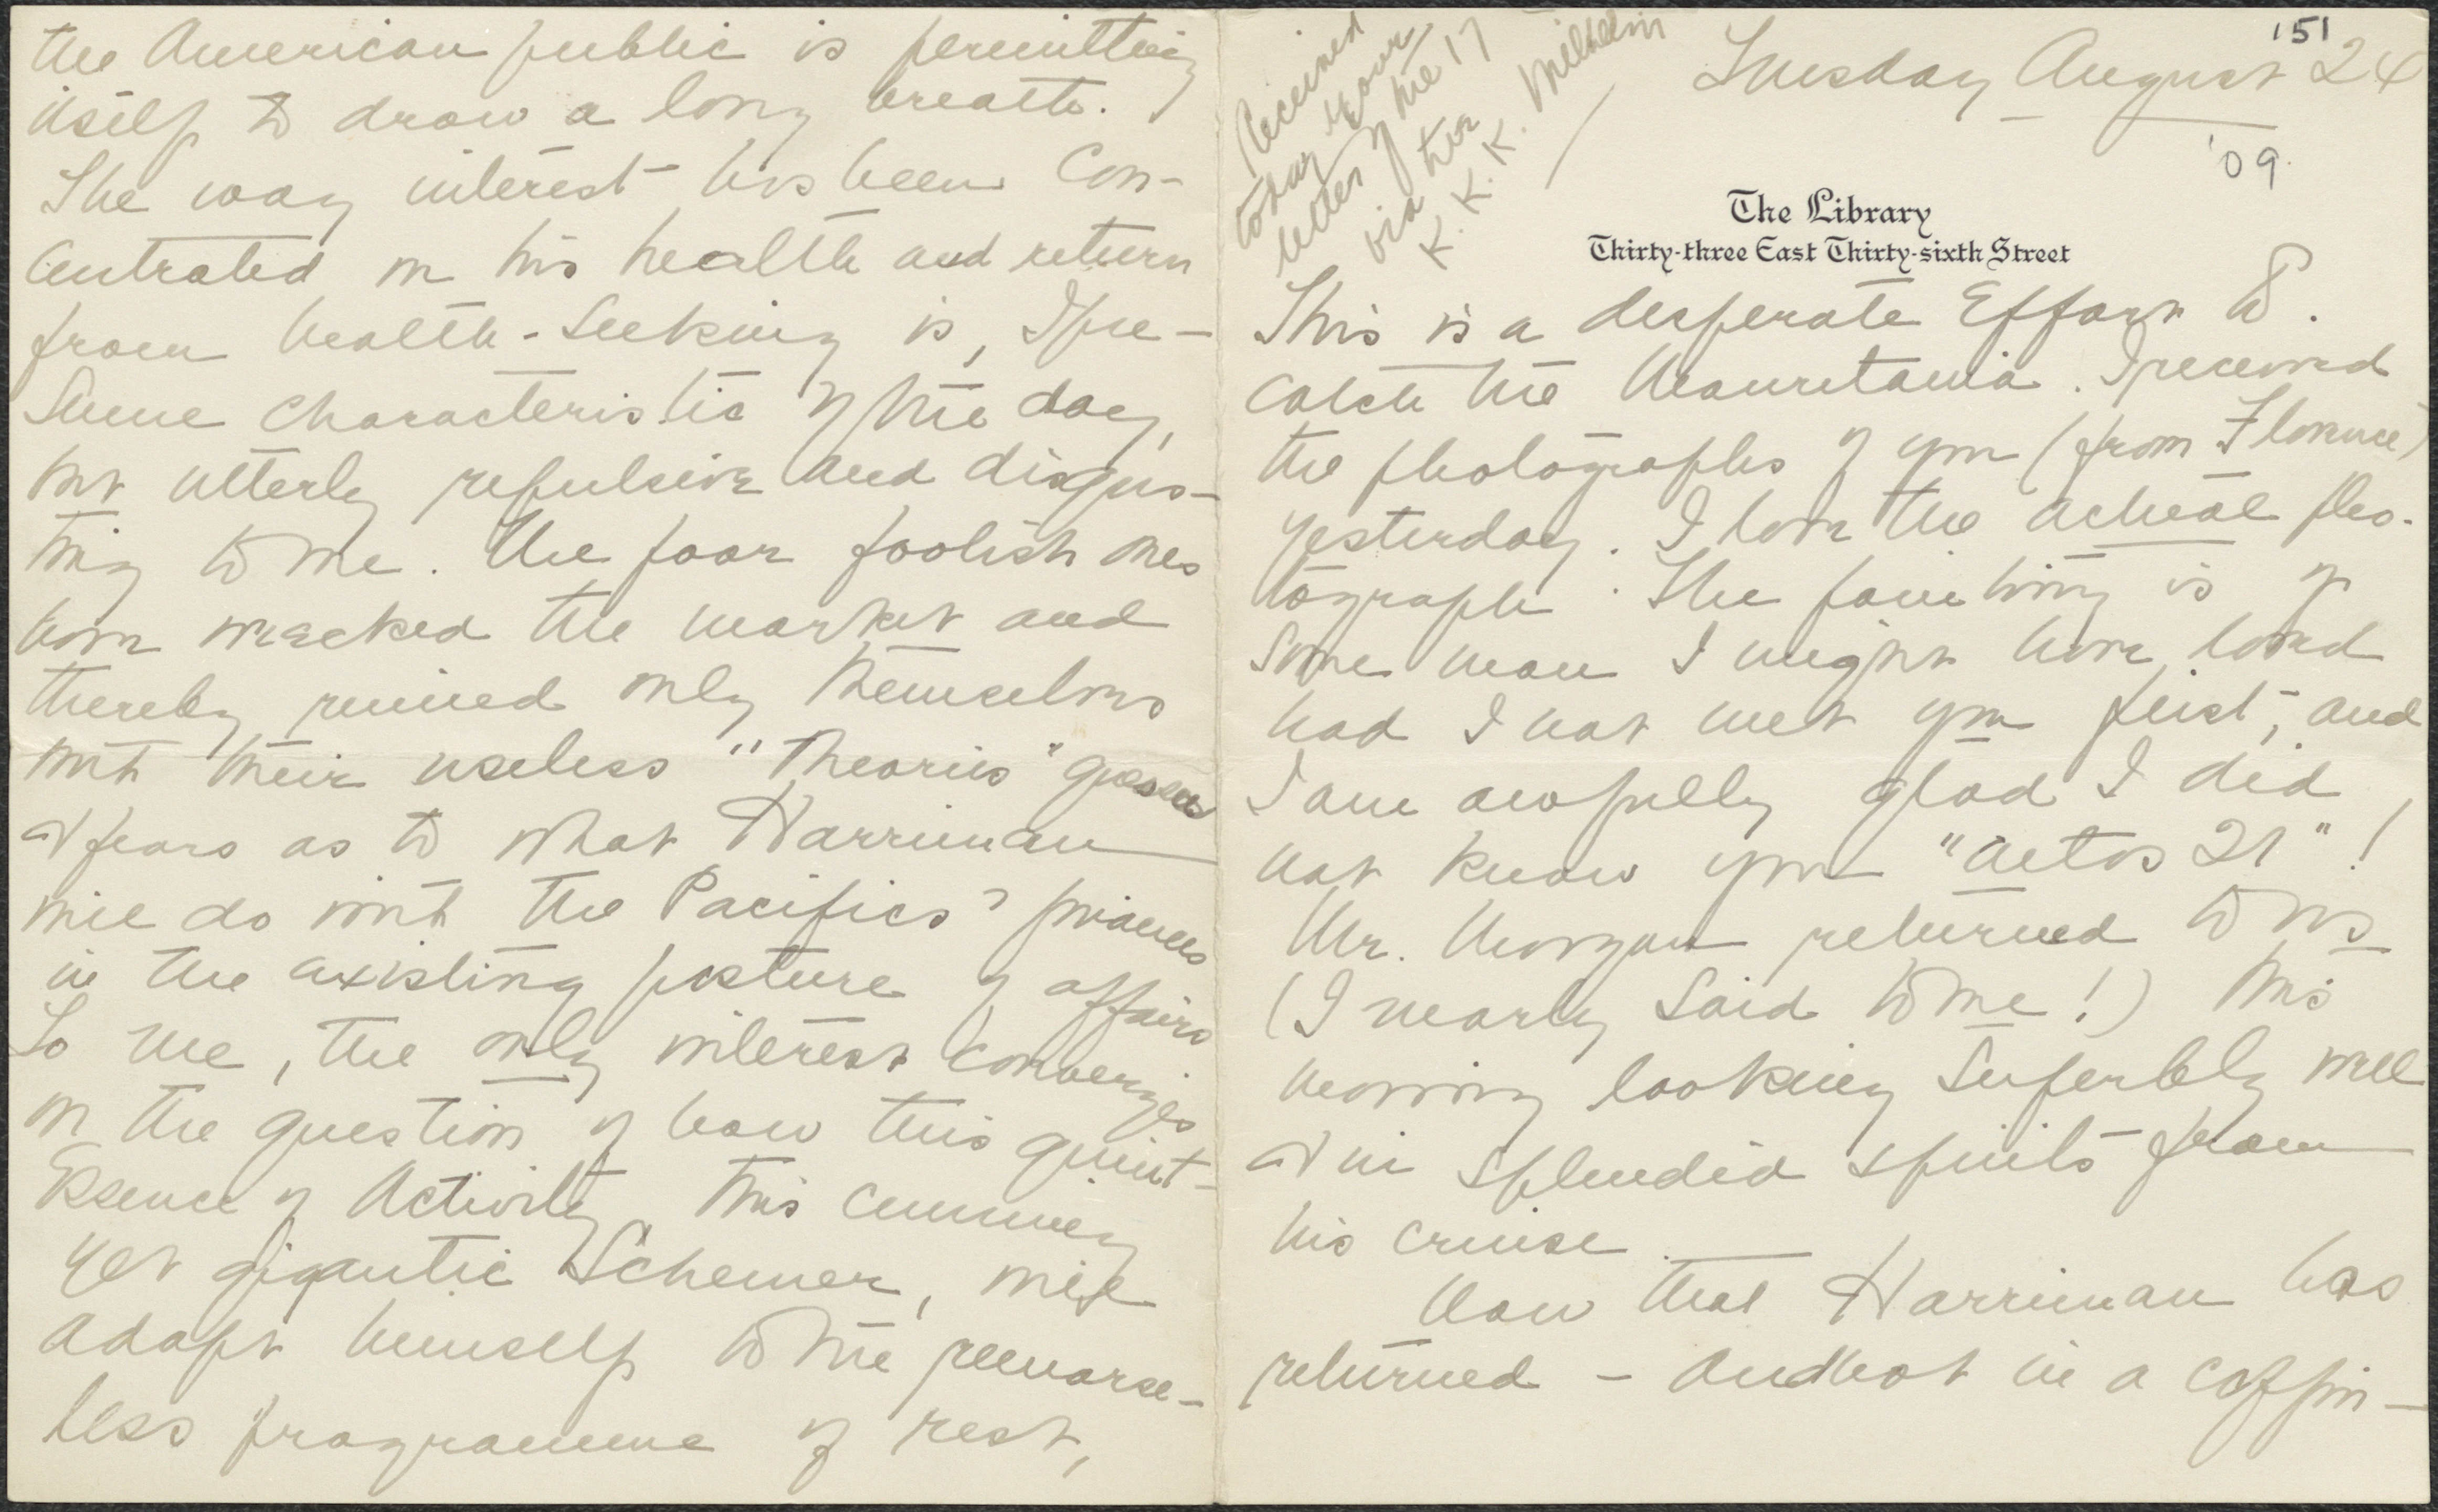[written on diagonal in top left corner: Received today your letter of the 17 via the K.K.K. Wilhelm]
Tuesday August 24
This is a desperate effort to catch the Mauritania. I received the photographs of you (from Florence) yesterday. I love the actual photograph. The painting is of some man I might have loved had I not met you first, and I am awfully glad I did not know you “aetas 21”!
Mr. Morgan returned to us (I nearly said to me!) this morning looking superbly well & in splendid spirits from his cruise.
Now that Harriman has returned – and not in a coffin –
the American public is permitting itself to draw a long breath. The way interest has been concentrated on his health and return from health-seeking is, I presume characteristic of the day, but utterly repulsive and disgusting to me. The poor foolish ones have wrecked the market and thereby ruined only themselves with their useless “Theories” guesses & fears as to what Harriman will do with the Pacifics’ finances in the existing posture of affairs
To me, the only interest converges on the question of how this quintessence of activity, this cunning yet gigantic schemer, will adapt himself to the remorseless programme of rest,